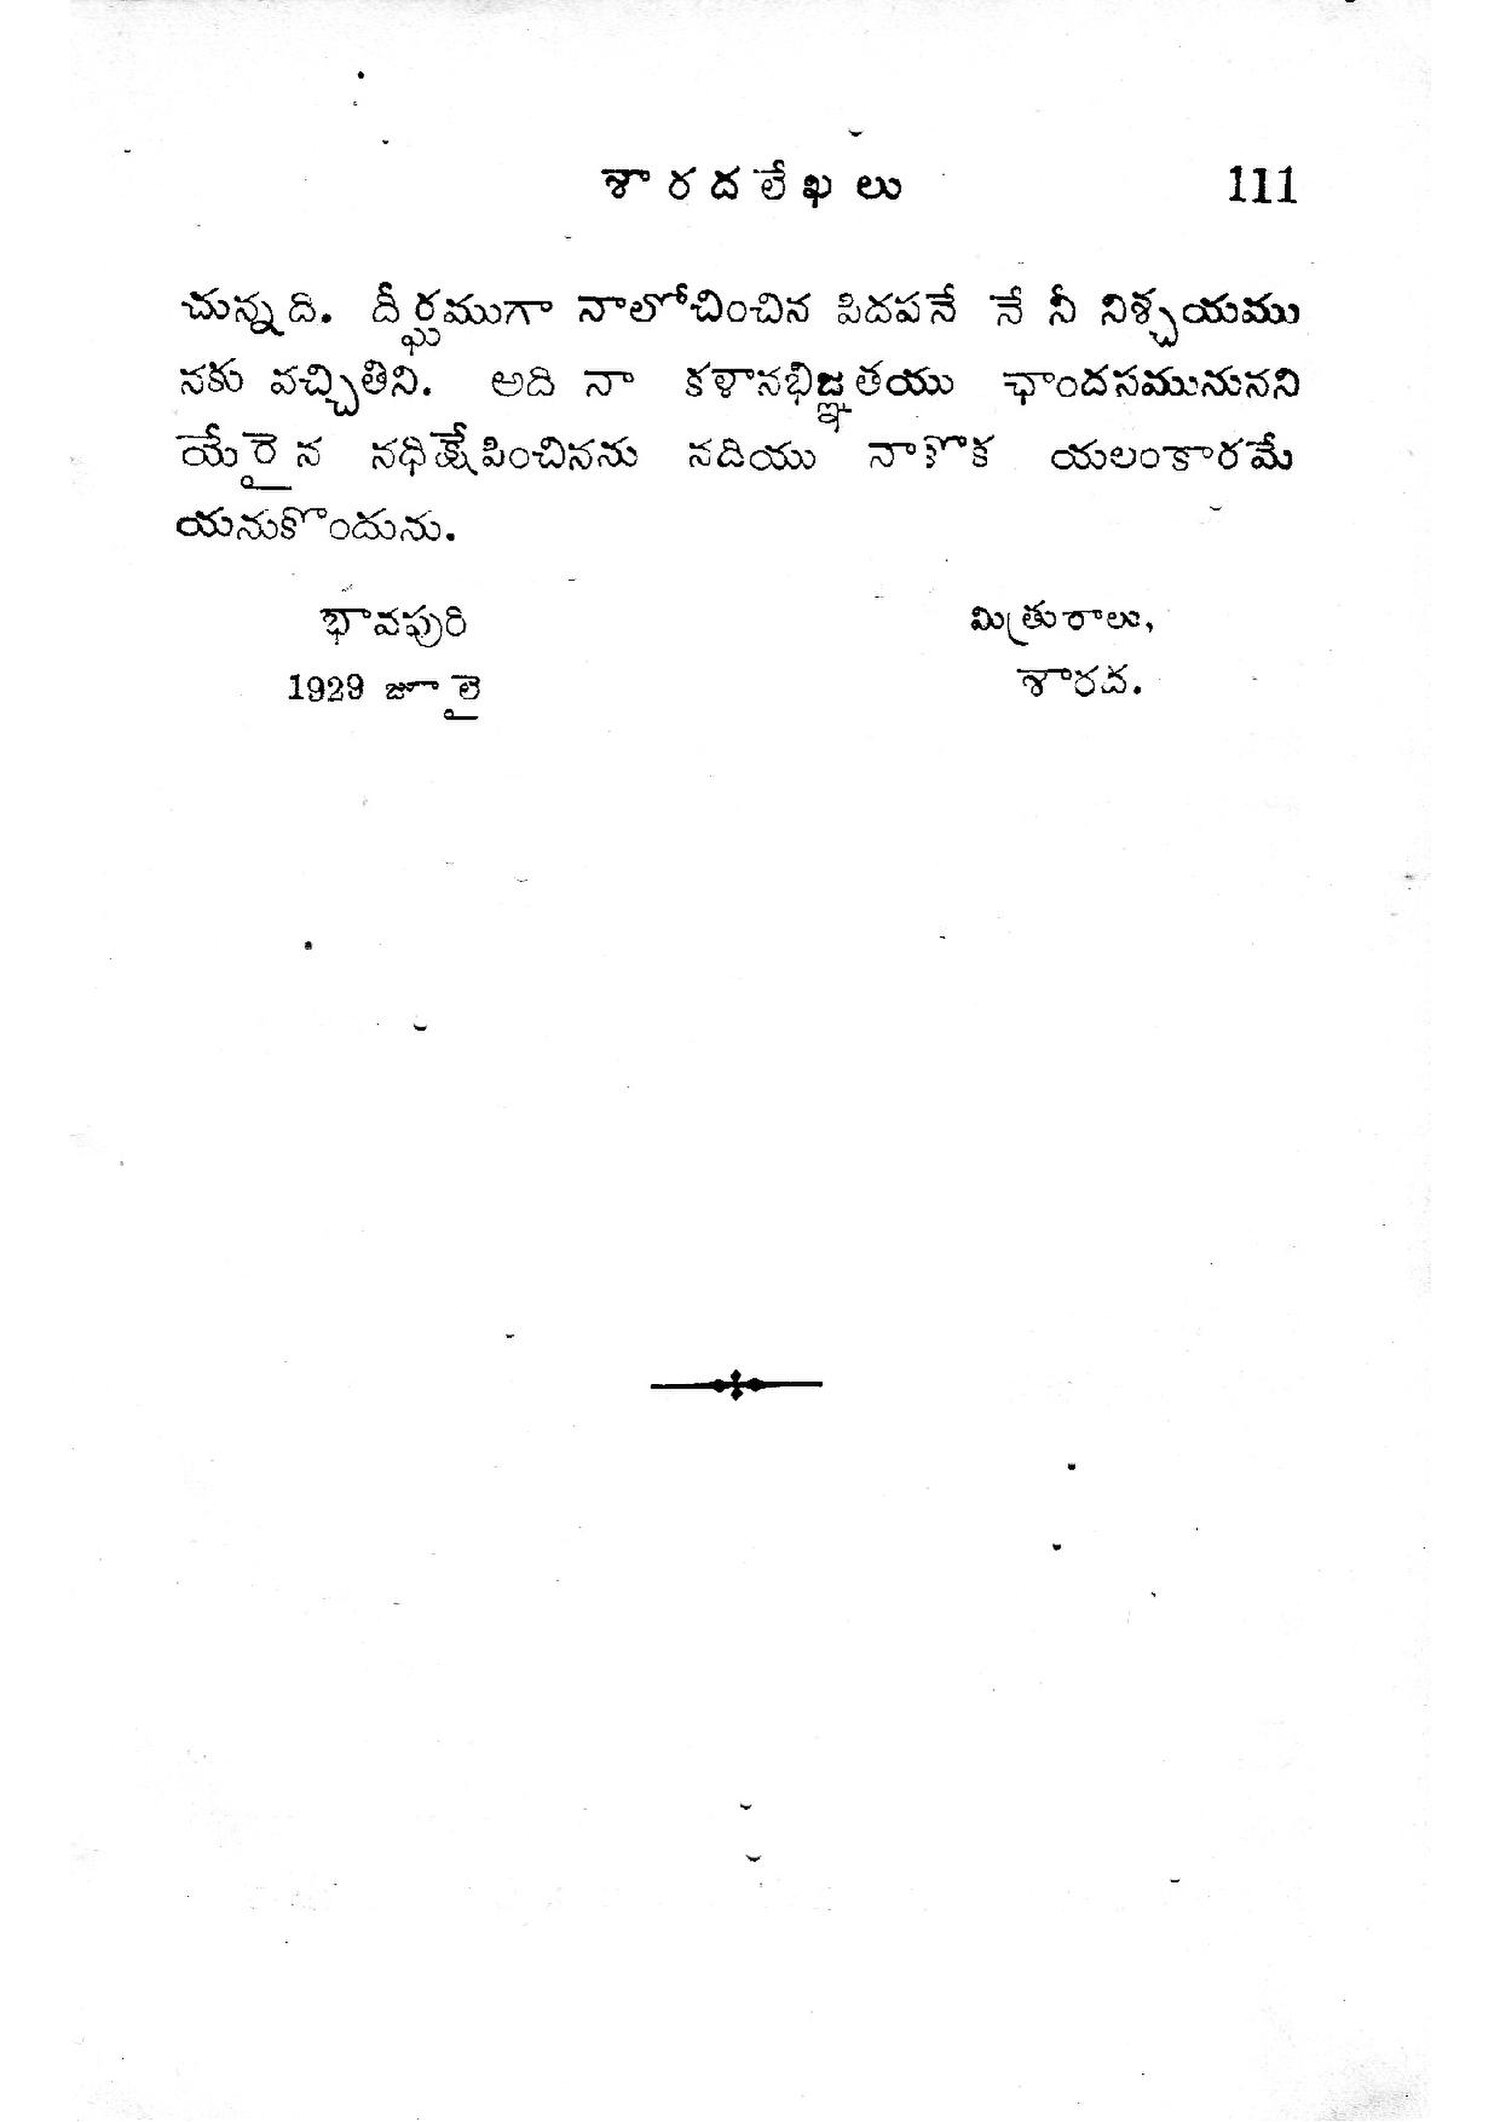చున్నది. దీర్ఘముగా నాలోచించిన పిదపనే నే నీ నిశ్చయమునకు వచ్చితిని. అది నా కళానభిజ్ఞతయు ఛాందసమునునని యేరైన నధిక్షేపించినను నదియు నాకొక యలంకారమే యనుకొందును.